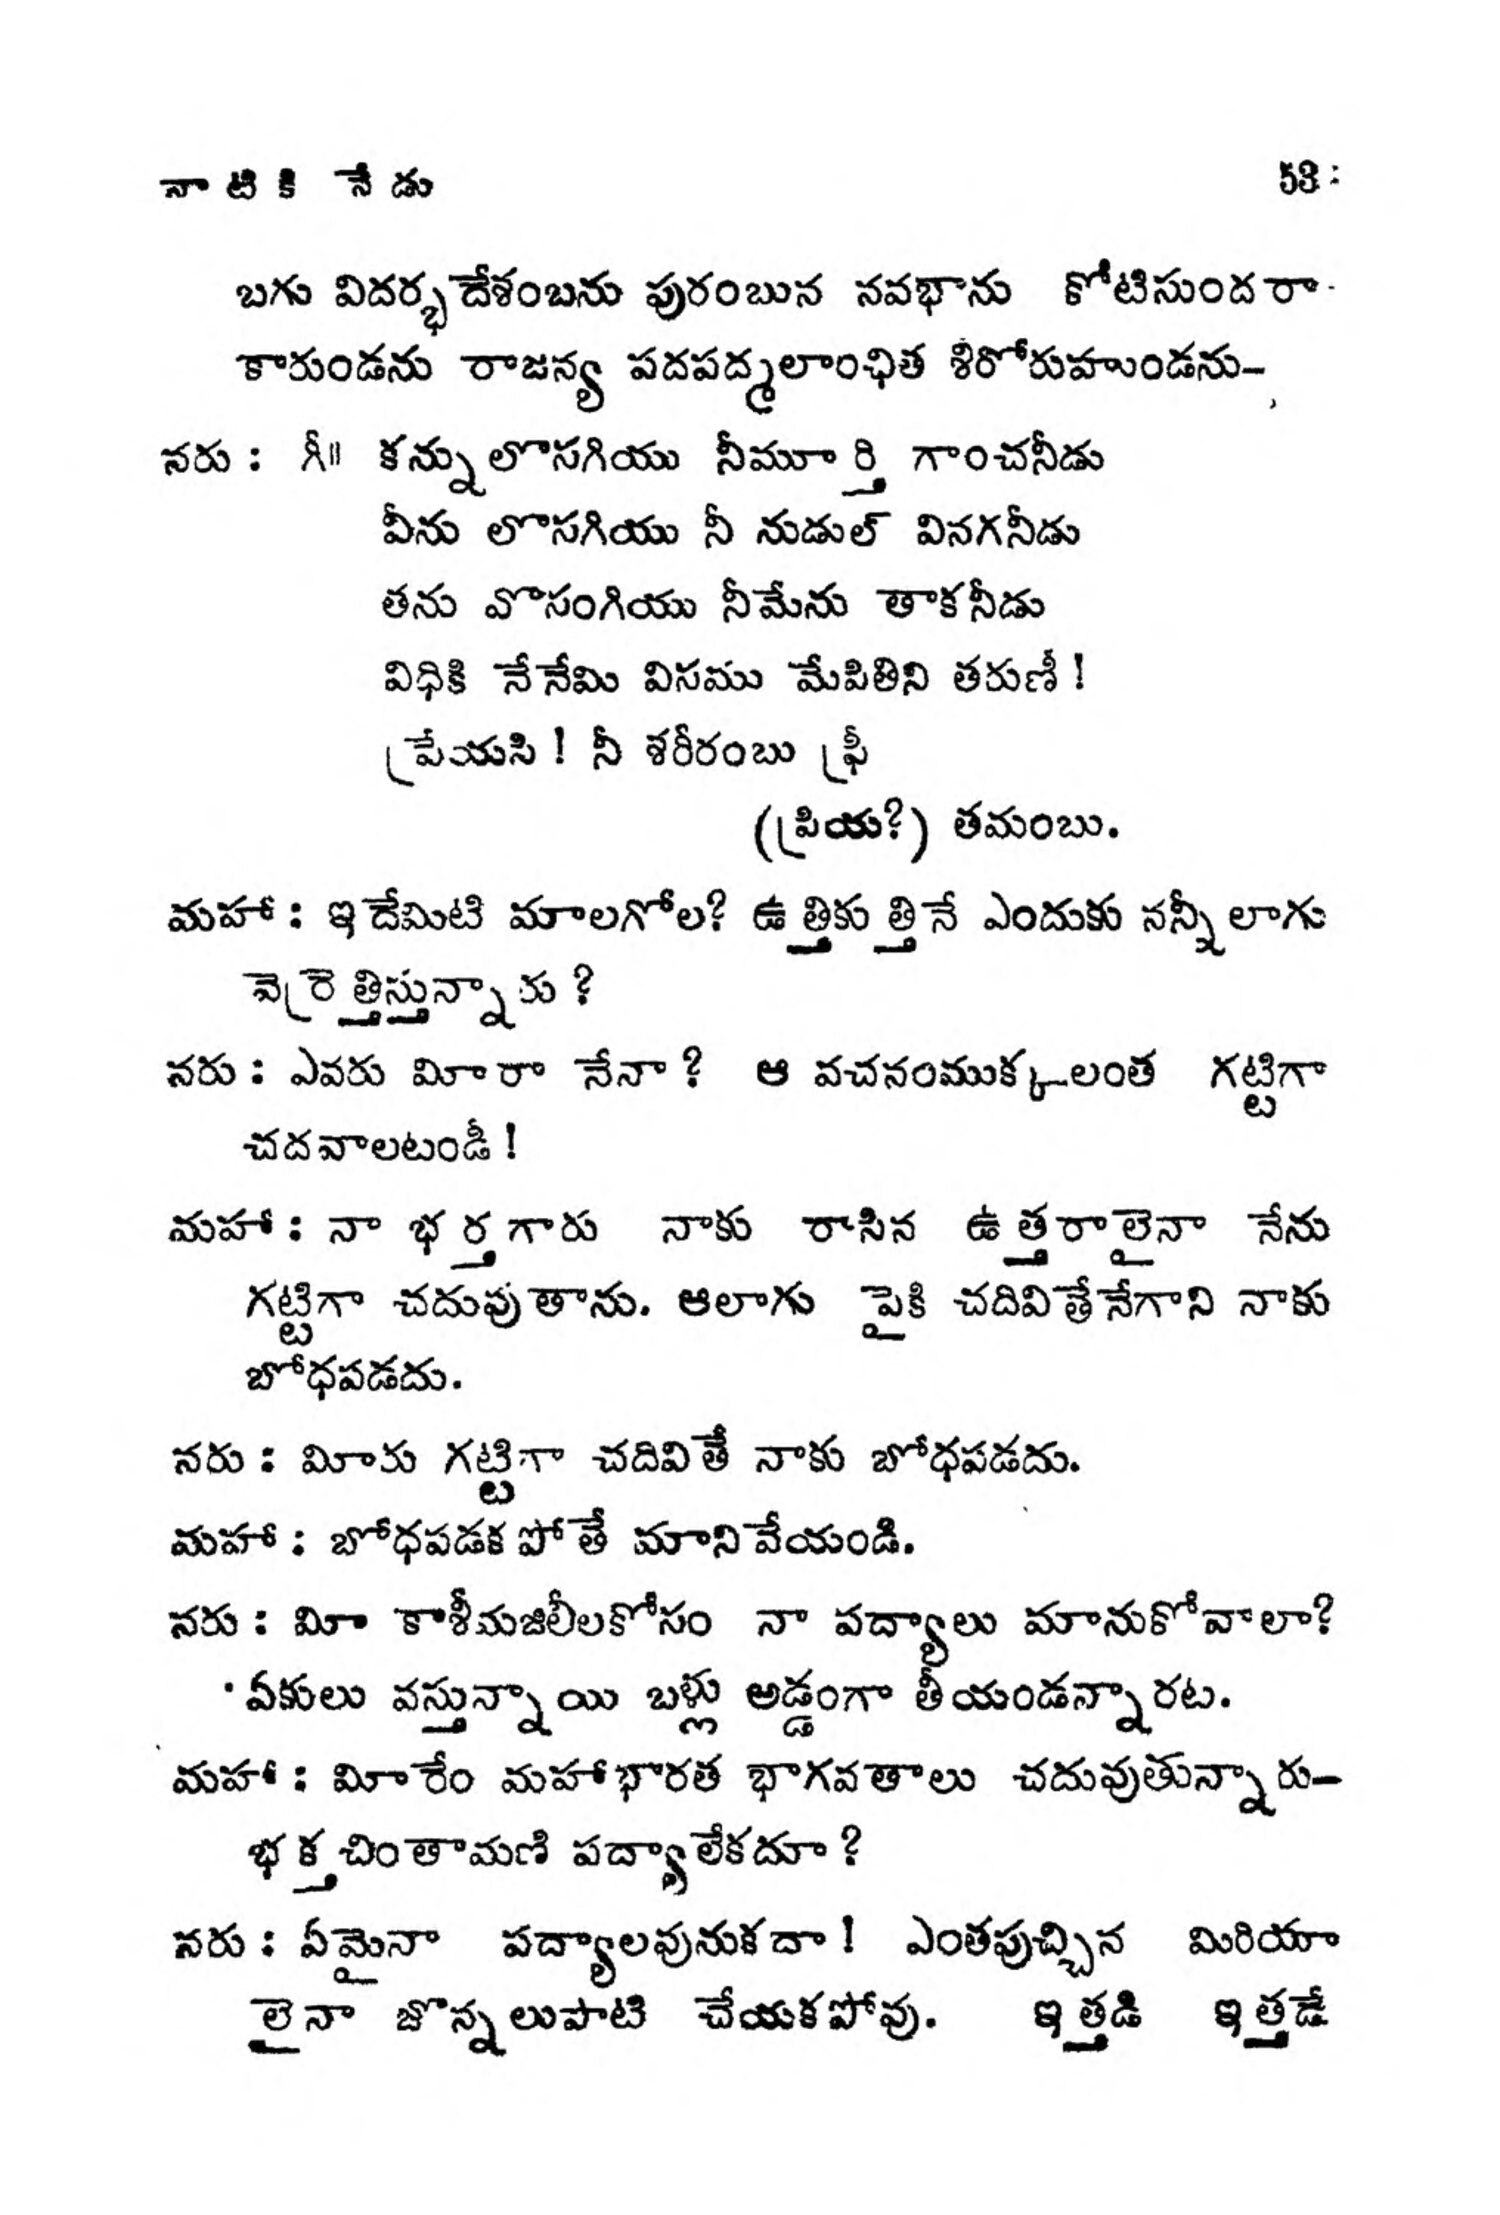బగు విదర్భ దేశంబను పురంబున నవభాను కోటిసుందరాకారుండను రాజన్య పదపద్మలాంఛిత శిరోరుహుండను-

నరు : గీ॥ కన్నులొసగియు నీమూర్తి గాంచనీడు
 వీను లొసగియు నీ నుడుల్ వినగనీడు
 తను వొసంగియు నీమేను తాకనీడు
 విధికి నేనేమి విసము మేపితిని తరుణీ !
 ప్రేయసి ! నీ శరీరంబు ఫ్రీ
 (ప్రియ?) తమంబు.

మహా : ఇదేమిటి మాలగోల? ఉత్తికుత్తినే ఎందుకు నన్నీ లాగు వెర్రెత్తిస్తున్నారు ?

నరు : ఎవరు మీరా నేనా ? ఆ వచనంముక్కలంత గట్టిగా చదవాలటండీ !

మహా : నా భర్తగారు నాకు రాసిన ఉత్తరాలైనా నేను గట్టిగా చదువుతాను. ఆలాగు పైకి చదివితేనేగాని నాకు
బోధపడదు.

నరు : మీరు గట్టిగా చదివితే నాకు బోధపడదు.

మహా : బోధపడక పోతే మానివేయండి.

నరు : మీ కాశీమజిలీలకోసం నా పద్యాలు మానుకోవాలా? ఏకులు వస్తున్నాయి బళ్లు అడ్డంగా తీయండన్నారట.

మహా : మీరేం మహాభారత భాగవతాలు చదువుతున్నారు - భక్తచింతామణి పద్యాలేకదూ ?

నరు : ఏమైనా పద్యాలవునుకదా! ఎంతపుచ్చిన మిరియాలైనా జొన్నలుపాటి చేయకపోవు. ఇత్తడి ఇత్తడే